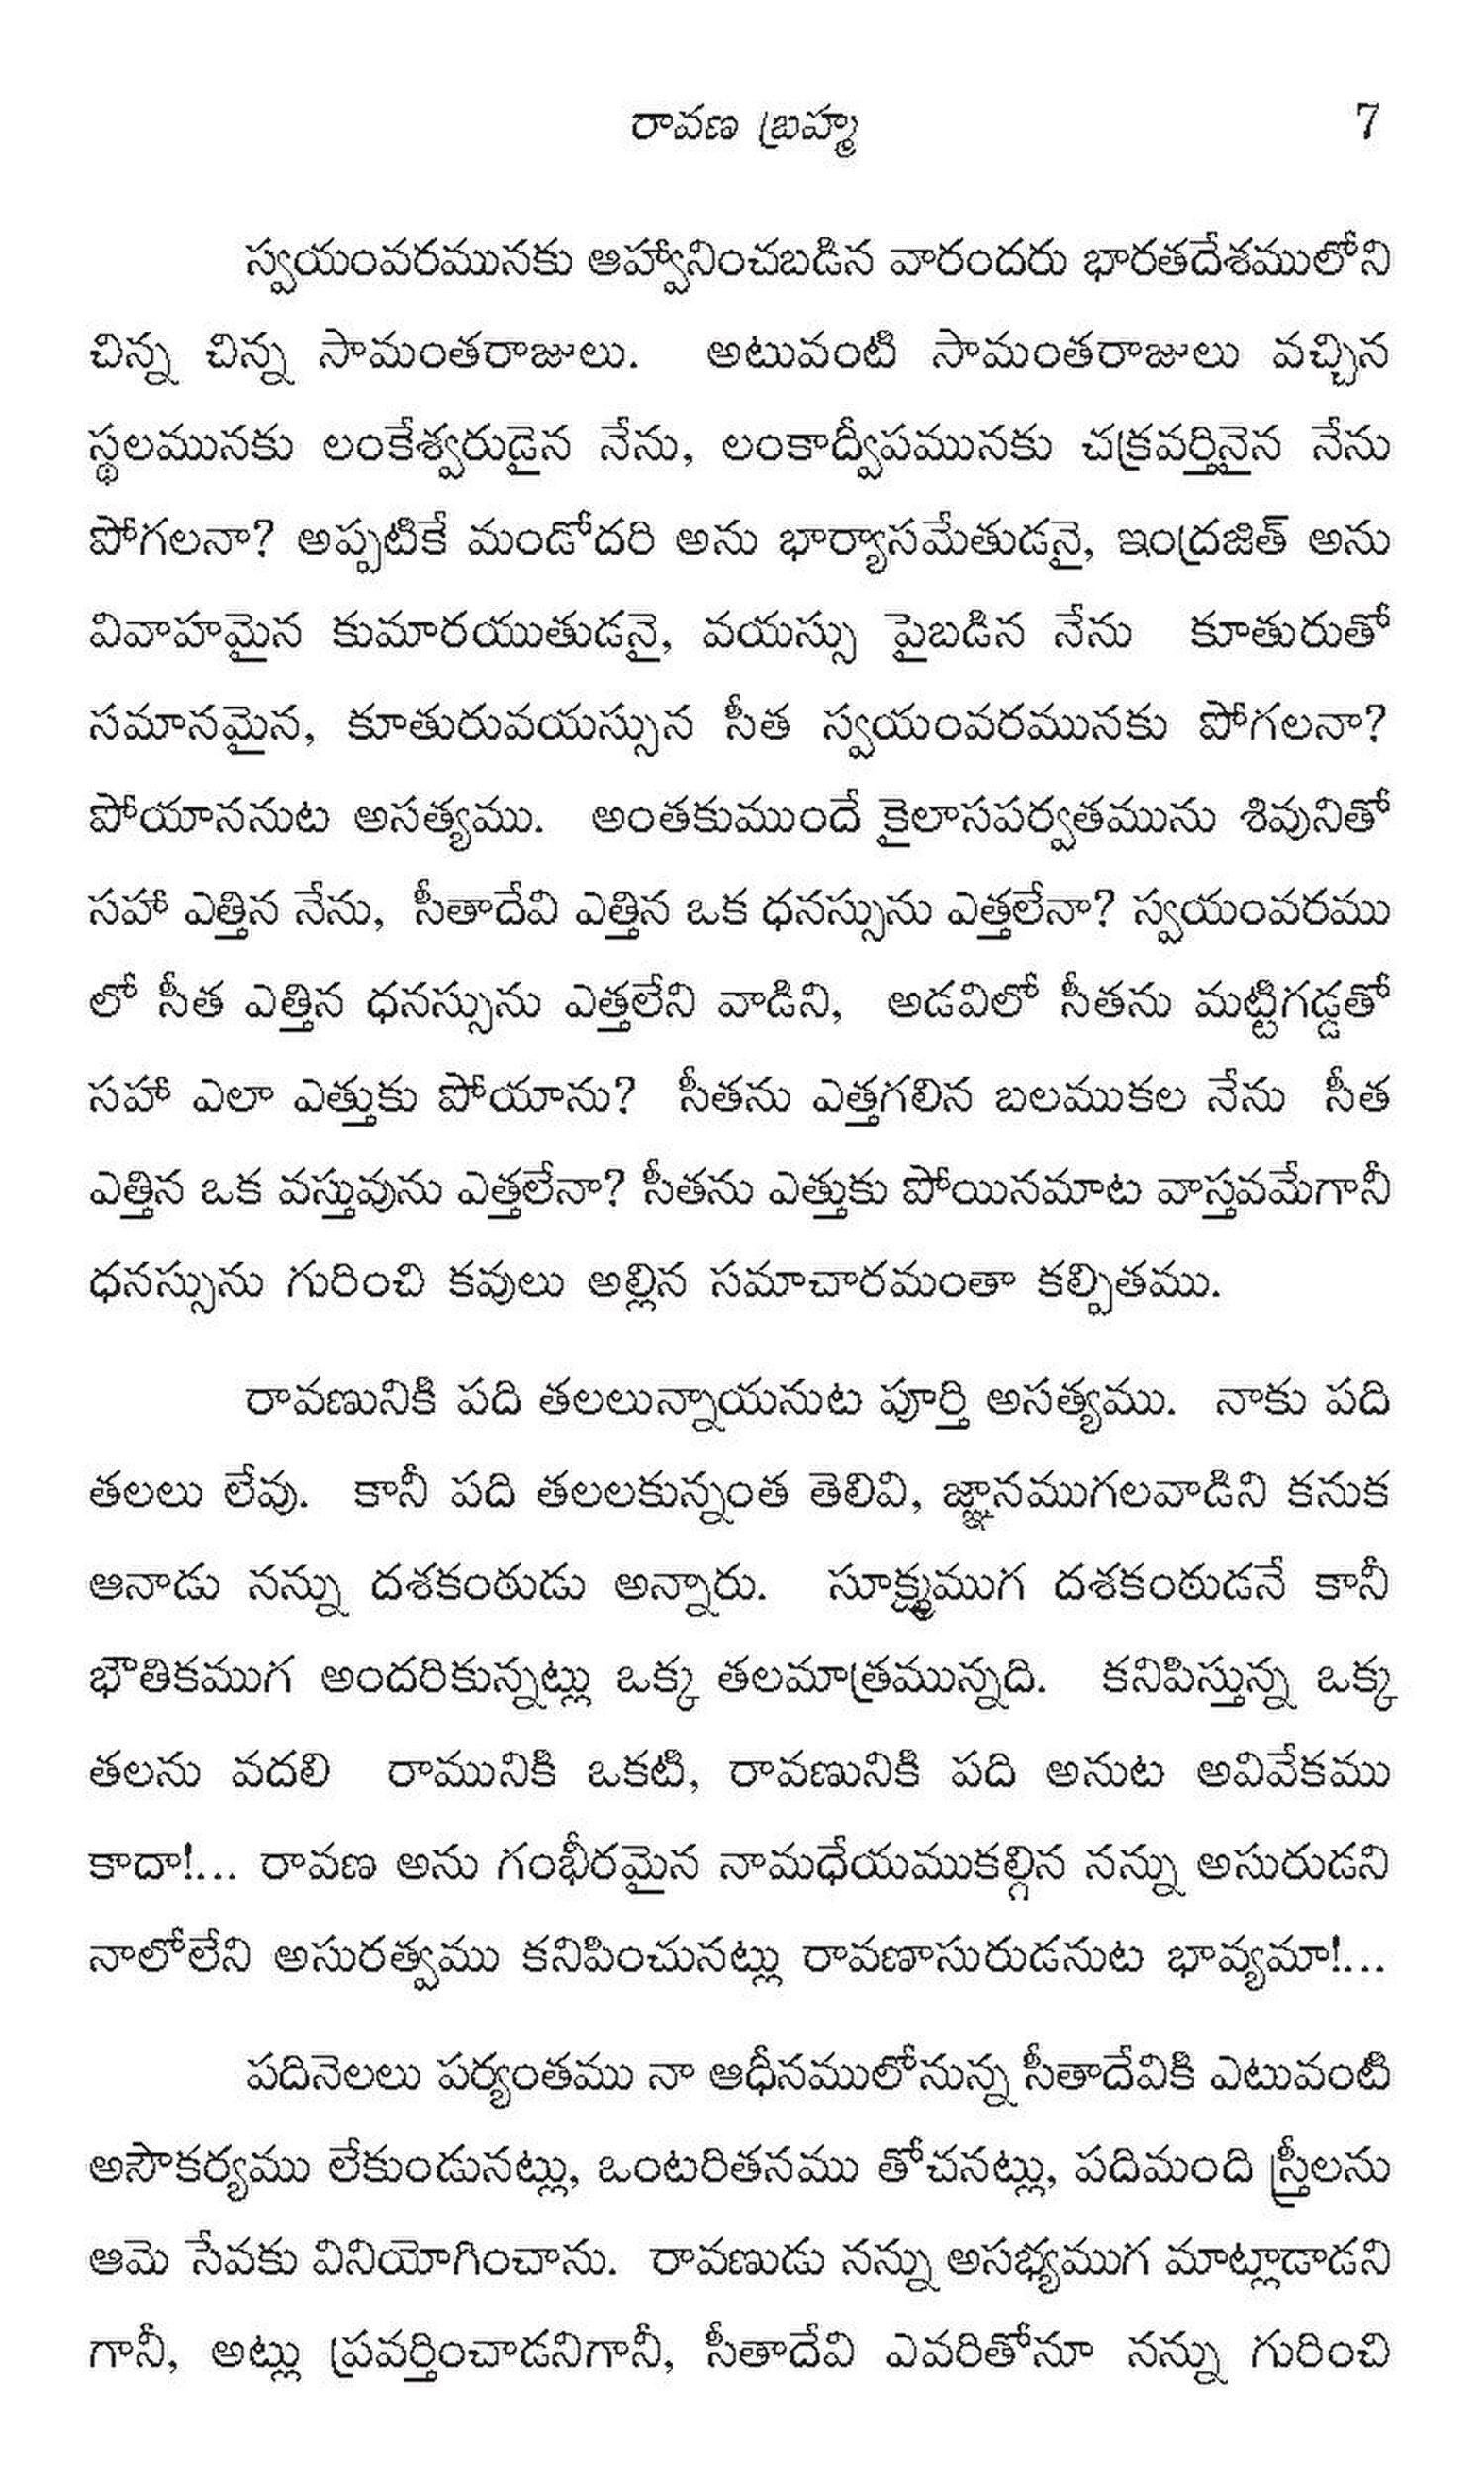స్వయంవరమునకు ఆహ్వానించబడిన వారందరు భారతదేశములోని చిన్న చిన్న సామంతరాజులు. అటువంటి సామంతరాజులు వచ్చిన స్థలమునకు లంకేశ్వరుడైన నేను, లంకాద్వీపమునకు చక్రవర్తినైన నేను పోగలనా? అప్పటికే మండోదరి అను భార్యాసమేతుడనై, ఇంద్రజిత్‌ అను వివాహమైన కుమారయుతుడనై, వయస్సు పైబడిన నేను కూతురుతో సమానమైన, కూతురువయస్సున సీత స్వయంవరమునకు పోగలనా? పోయాననుట అసత్యము. అంతకుముందే కైలాసపర్వతమును శివునితో సహా ఎత్తిన నేను, సీతాదేవి ఎత్తిన ఒక ధనస్సును ఎత్తలేనా? స్వయంవరములో సీత ఎత్తిన ధనస్సును ఎత్తలేని వాడిని, అడవిలో సీతను మట్టిగడ్డతో సహా ఎలా ఎత్తుకు పోయాను? సీతను ఎత్తగలిన బలముకల నేను సీత ఎత్తిన ఒక వస్తువును ఎత్తలేనా? సీతను ఎత్తుకు పోయినమాట వాస్తవమేగానీ ధనస్సును గురించి కవులు అల్లిన సమాచారమంతా కల్పితము.

రావణునికి పది తలలున్నాయనుట పూర్తి అసత్యము. నాకు పది తలలు లేవు. కానీ పది తలలకున్నంత తెలివి, జ్ఞానముగలవాడిని కనుక ఆనాడు నన్ను దశకంఠుడు అన్నారు. సూక్ష్మముగ దశకంఠుడనే కానీ భౌతికముగ అందరికున్నట్లు ఒక్క తలమాత్రమున్నది. కనిపిస్తున్న ఒక్క తలను వదలి రామునికి ఒకటి, రావణునికి పది అనుట అవివేకము కాదా!... రావణ అను గంభీరమైన నామధేయముకల్గిన నన్ను అసురుడని నాలోలేని అసురత్వము కనిపించునట్లు రావణాసురుడనుట భావ్యమా!...

పదినెలలు పర్యంతము నా ఆధీనములోనున్న సీతాదేవికి ఎటువంటి అసౌకర్యము లేకుండునట్లు, ఒంటరితనము తోచనట్లు, పదిమంది స్త్రీలను ఆమె సేవకు వినియోగించాను. రావణుడు నన్ను అసభ్యముగ మాట్లాడాడని గానీ, అట్లు ప్రవర్తించాడనిగానీ, సీతాదేవి ఎవరితోనూ నన్ను గురించి